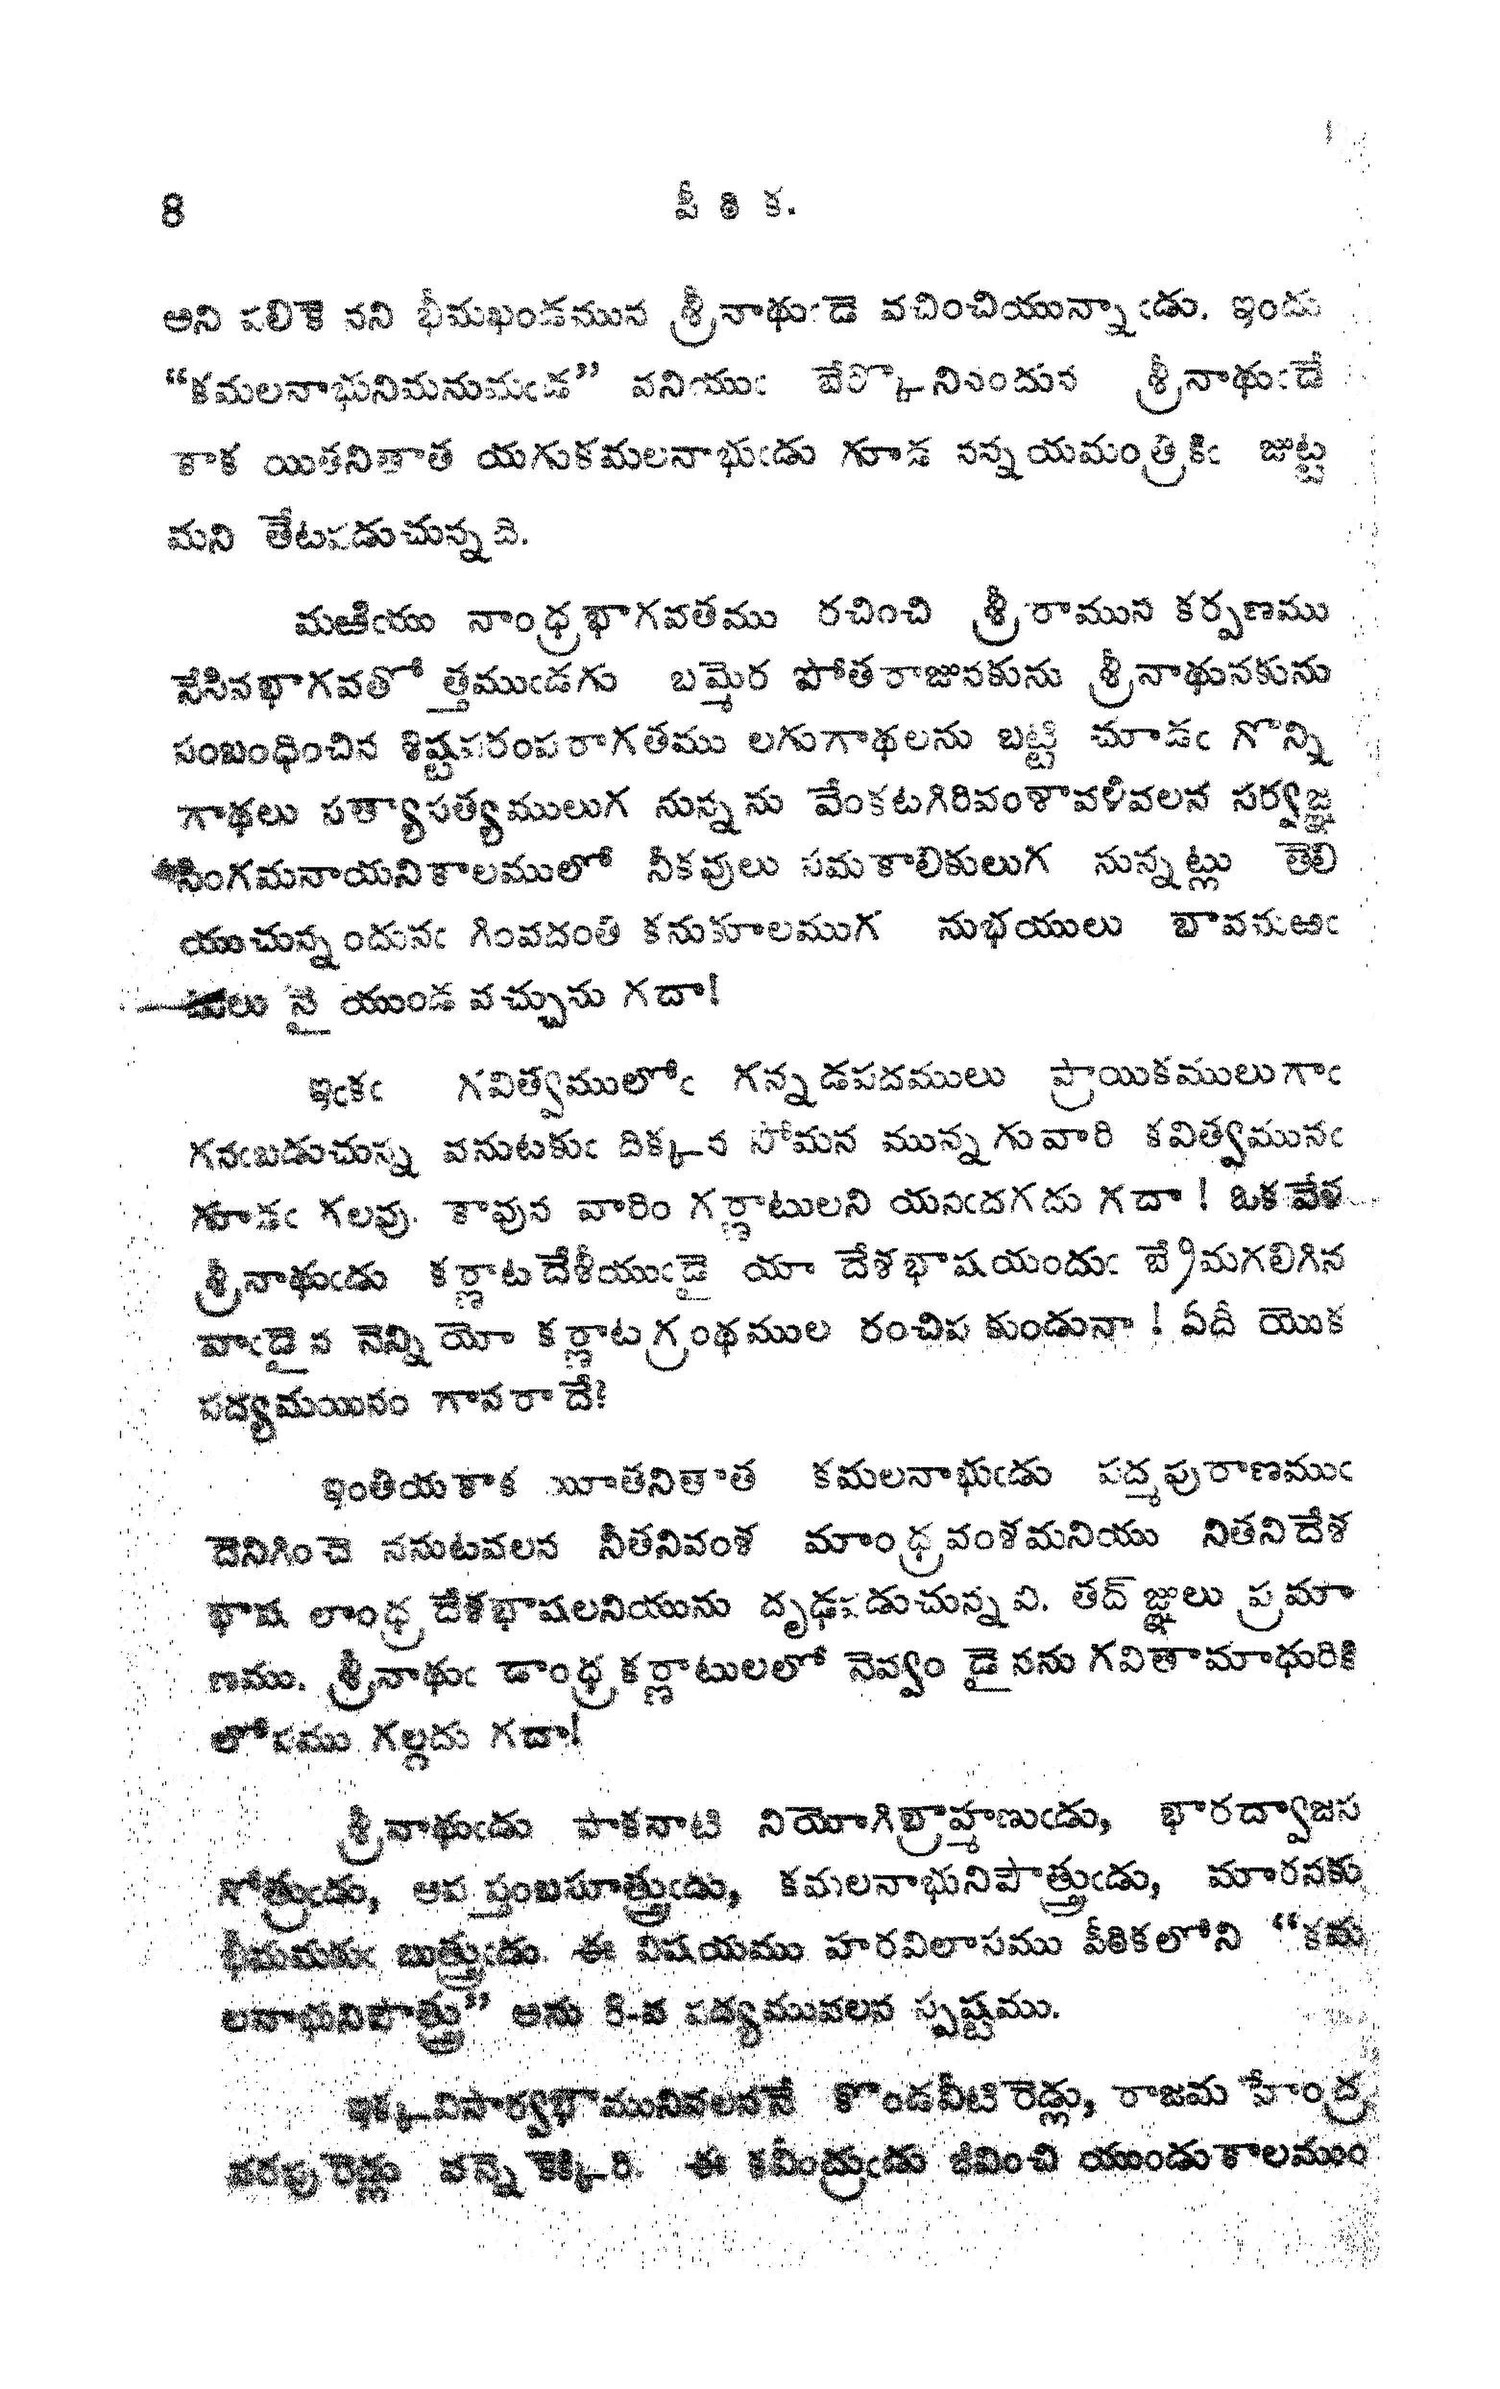అని పలికె నని భీమఖండమున శ్రీనాథుఁడే వచించియున్నాఁడు. ఇందు “కమలనాభునిమనుమఁడ” వనియుఁ బేర్కొనినందున శ్రీనాథుఁడే కాక యితనితాత యగుకమలనాభుఁడు గూడ నన్నయమంత్రికిఁ జుట్టమని తేటపడుచున్నది.

మఱియు నాంధ్రభాగవతము రచించి శ్రీరాముని కర్పణముసేసిన భాగవతోత్తముఁడగు బమ్మెర పోతరాజునకును శ్రీనాథునకును సంబంధించిన శిష్టపరంపరాగతము లగుగాథలను బట్టి చూడఁ గొన్నిగాథలు సత్యాసత్యములుగ నున్నను వేంకటగిరివంశావళివలన సర్వజ్ఞ సింగమనాయనికాలములో నీకవులు సమకాలికులుగ నున్నట్లు తెలియుచున్నందునఁ గింవదంతి కనుకూలముగ నుభయులు బావమఱఁదులు నై యుండ వచ్చును గదా!

ఇఁకఁ గవిత్వములోఁ గన్నడపదములు ప్రాయికములుగాఁ గనఁబడుచున్న వనుటకుఁ దిక్కన సోమన మున్నగువారి కవిత్వమునఁ గూడఁ గలవు. కావున వారిం గర్ణాటులని యనఁదగదు గదా! ఒక వేళ శ్రీనాథుఁడు కర్ణాటదేశీయుఁడై యా దేశభాషయందుఁ బ్రేమగలిగినవాఁడైన నెన్నియో కర్ణాటగ్రంథముల రచింపకుండునా! ఏదీ యొక పద్యమయినం గానరాదే? 

ఇంతియకాక యీతనితాత కమలనాభుఁడు పద్మపురాణముఁ దెనిగించె ననుటవలన నీతనివంశ మాంధ్రవంశమనియు నితనిదేశభాష లాంధ్రదేశభాషలనియును దృఢపడుచున్నవి. తద్‌జ్ఞులు ప్రమాణము. శ్రీనాథుఁ డాంధ్రకర్ణాటులలో నెవ్వం డైనను గవితామాధురికి లోపము గల్గదు గదా! 

శ్రీనాథుఁడు పాకనాటి నియోగిబ్రాహ్మణుఁడు, భారద్వాజసగోత్రుఁడు, ఆపస్తంబసూత్త్రుఁడు, కమలనాభునిపౌత్త్రుఁడు, మారనకు భీమమకుఁ బుత్త్రుఁడు. ఈ విషయము హరవిలాసము పీఠికలోని "కమలనాభునిపౌత్త్రు" అను 8 వ పద్యమువలన స్పష్టము. 

ఇక్కవిసార్వభౌమునివలననే కొండవీటిరెడ్లు, రాజమహేంద్రవరపురెడ్లు వన్నె కెక్కిరి. ఈ కవీంద్రుఁడు జీవించి యుండుకాలముం
.
..